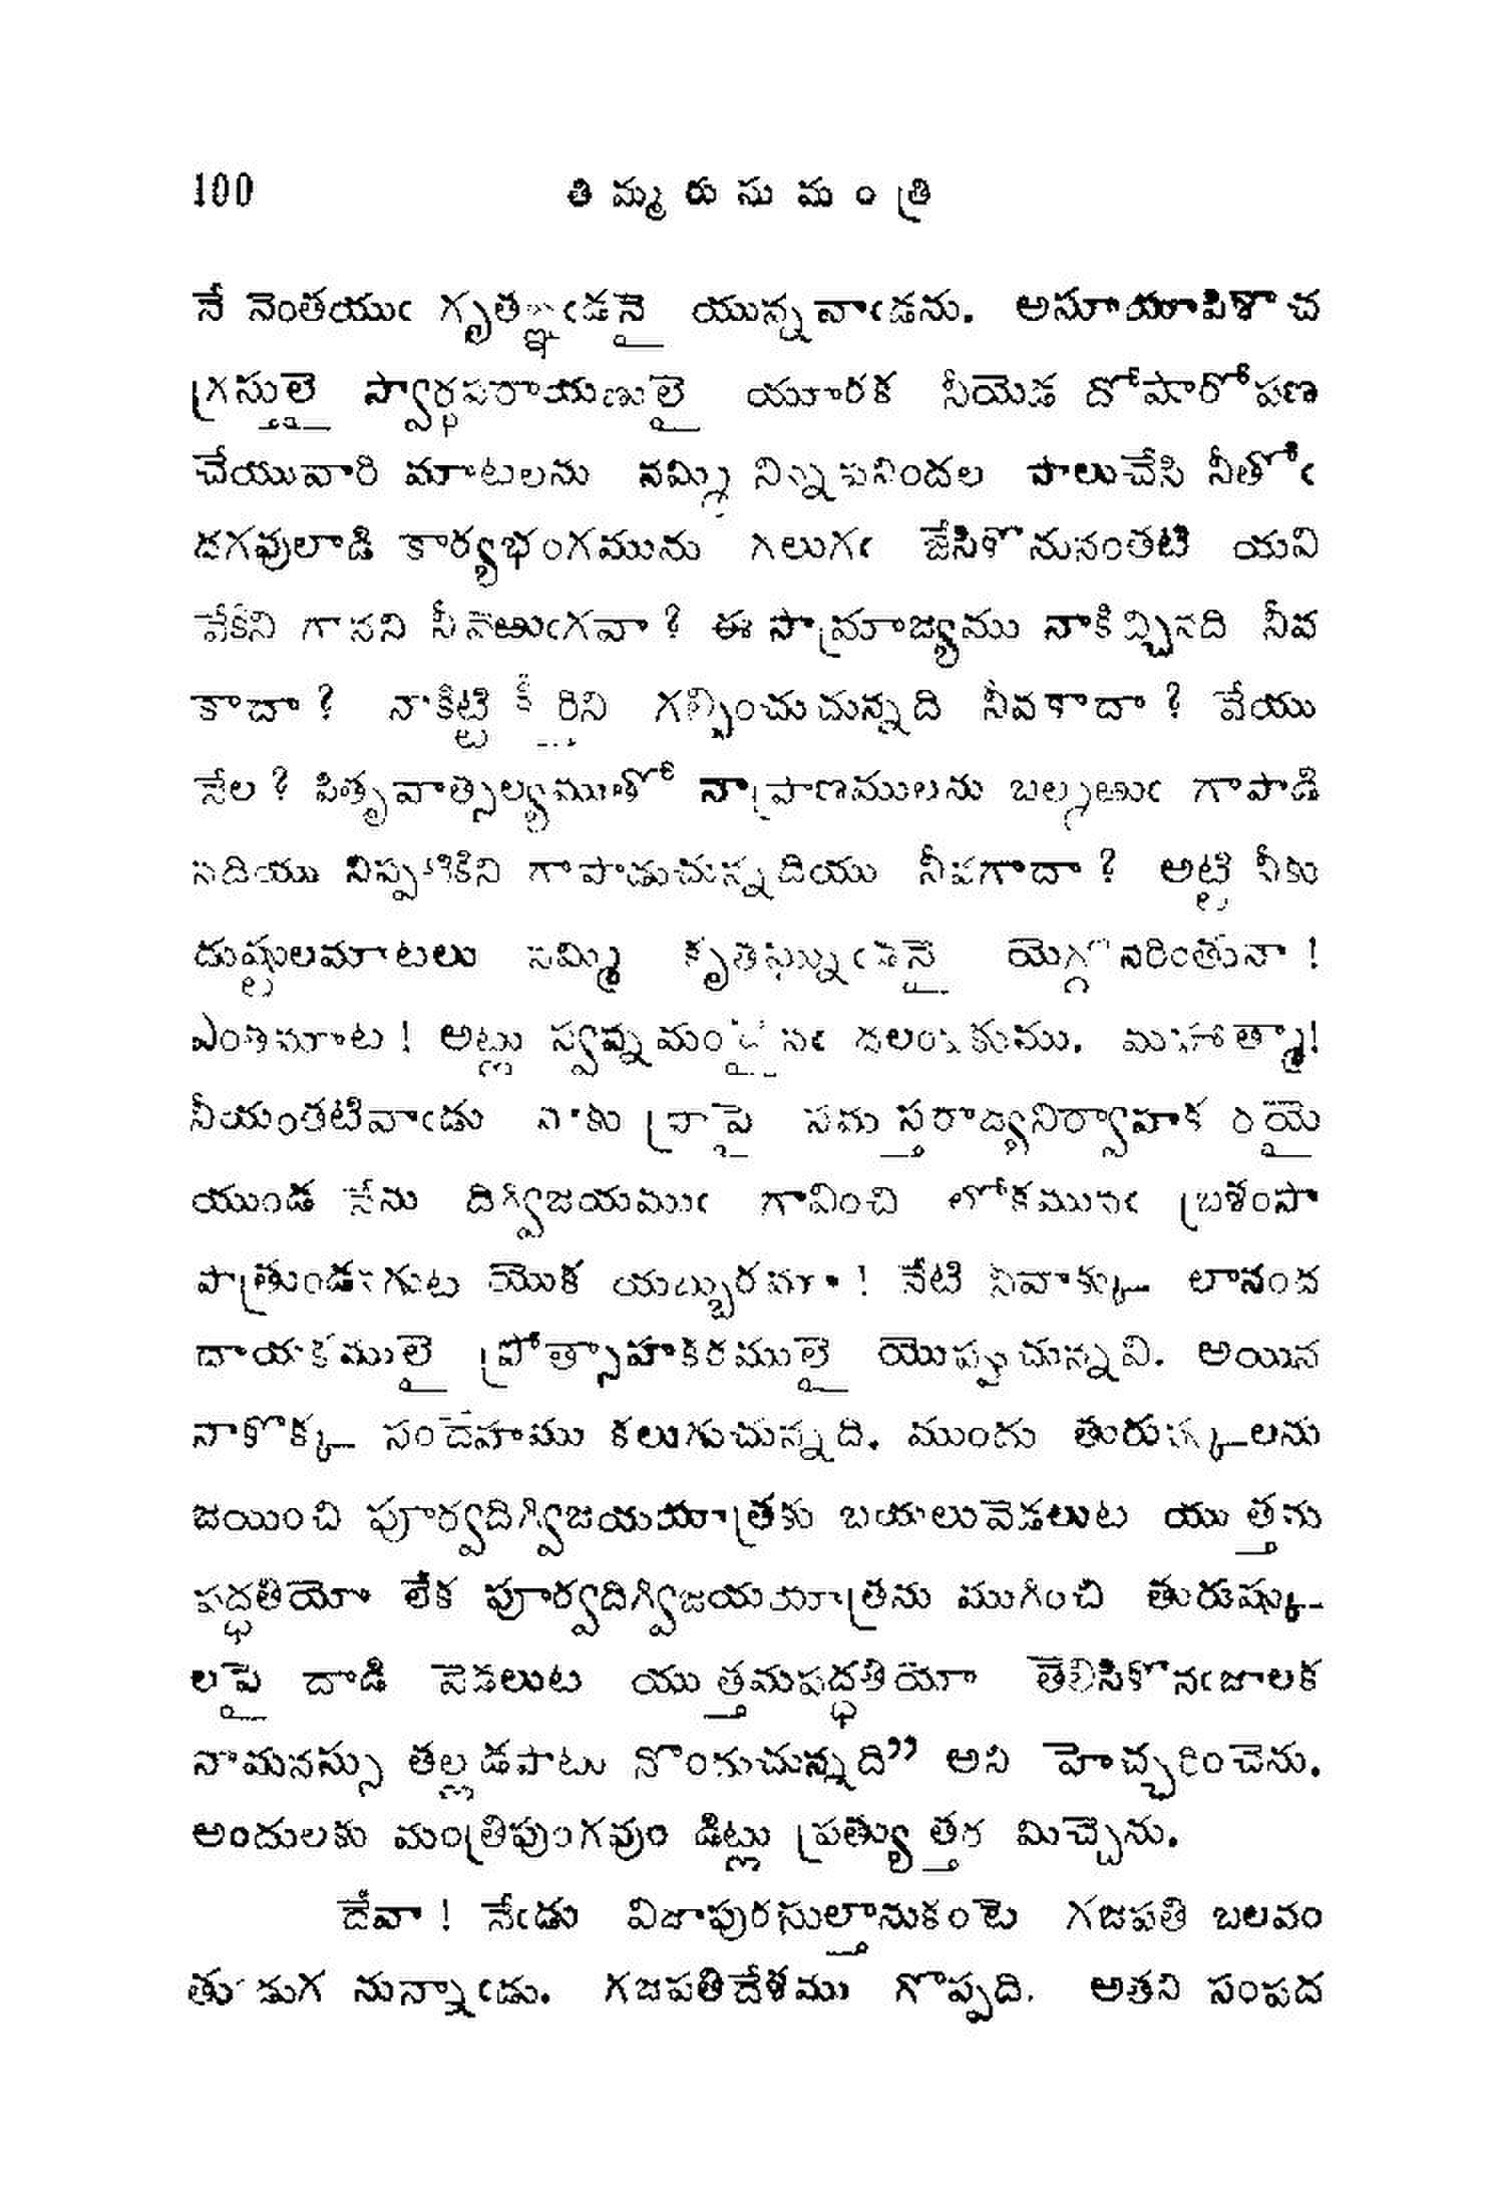నే నెంతయుఁ గృతజ్ఞుఁడనై యున్నవాఁడను. అసూయాపిశాచగ్రస్తులై స్వార్ధపరాయణులై యూరక నీయెడ దోషారోపణ చేయువారి మాటలను నమ్మి నిన్నపనిందల పాలుచేసి నీతోఁ దగవులాడి కార్యభంగమును గలుగఁ జేసికొనునంతటి యవివేకిని గానని నీవెఱుఁగవా? ఈసామ్రాజ్యము నాకిచ్చినది. నీవ కాదా? నాకిట్టి కీర్తిని గల్పించుచున్నది. నీవకాదా ? వేయు నేల ? పితృవాత్సల్యముతో నా ప్రాణములను బల్మఱుఁ గాపాడినదియు నిప్పటికిని గాపాడుచున్నదియు నీవుగాదా? అట్టి నీకు దుష్టులమాటలు నమ్మి కృతఘ్నుఁడనై యెగ్గొనరింతునా ! ఎంతమాట ! అట్లు స్వప్నమందైనఁ దలంపకుము, మహాత్మా! నీయంతటివాఁడు నాకు ప్రాపై సమస్తరాజ్యనిర్వాహకర్తయై యుండ నేను దిగ్విజయముఁ గావించి లోకమునఁ బ్రశంసాపాత్రుండనగుట యొక యబ్బురమా ! నేటి నీవాక్కు, లానంద దాయకములై ప్రోత్సాహకరములై యొప్పుచున్నవి. అయిన నాకొక్క సందేహము కలుగుచున్నది. ముందు తురుష్కులను జయించి పూర్వదిగ్విజయయాత్రకు బయలువెడలుట యుత్తమ పద్ధతియో లేక పూర్వదిగ్విజయయాత్రను ముగించి తురుష్కులపై దాడి వెడలుట యుత్తమపద్దతియో తెలిసికొనఁజాలక నామనస్సు తల్లడపాటు నొందుచున్నది” అని హెచ్చరించెను. అందులకు మంత్రిపుంగవుం డిట్లు ప్రత్యుత్తర మిచ్చెను.

దేవా! నేఁడు విజాపురసుల్తానుకంటె గజపతి బలవంతుఁడుగ నున్నాఁడు. గజపతిదేశము గొప్పది. అతని సంపద